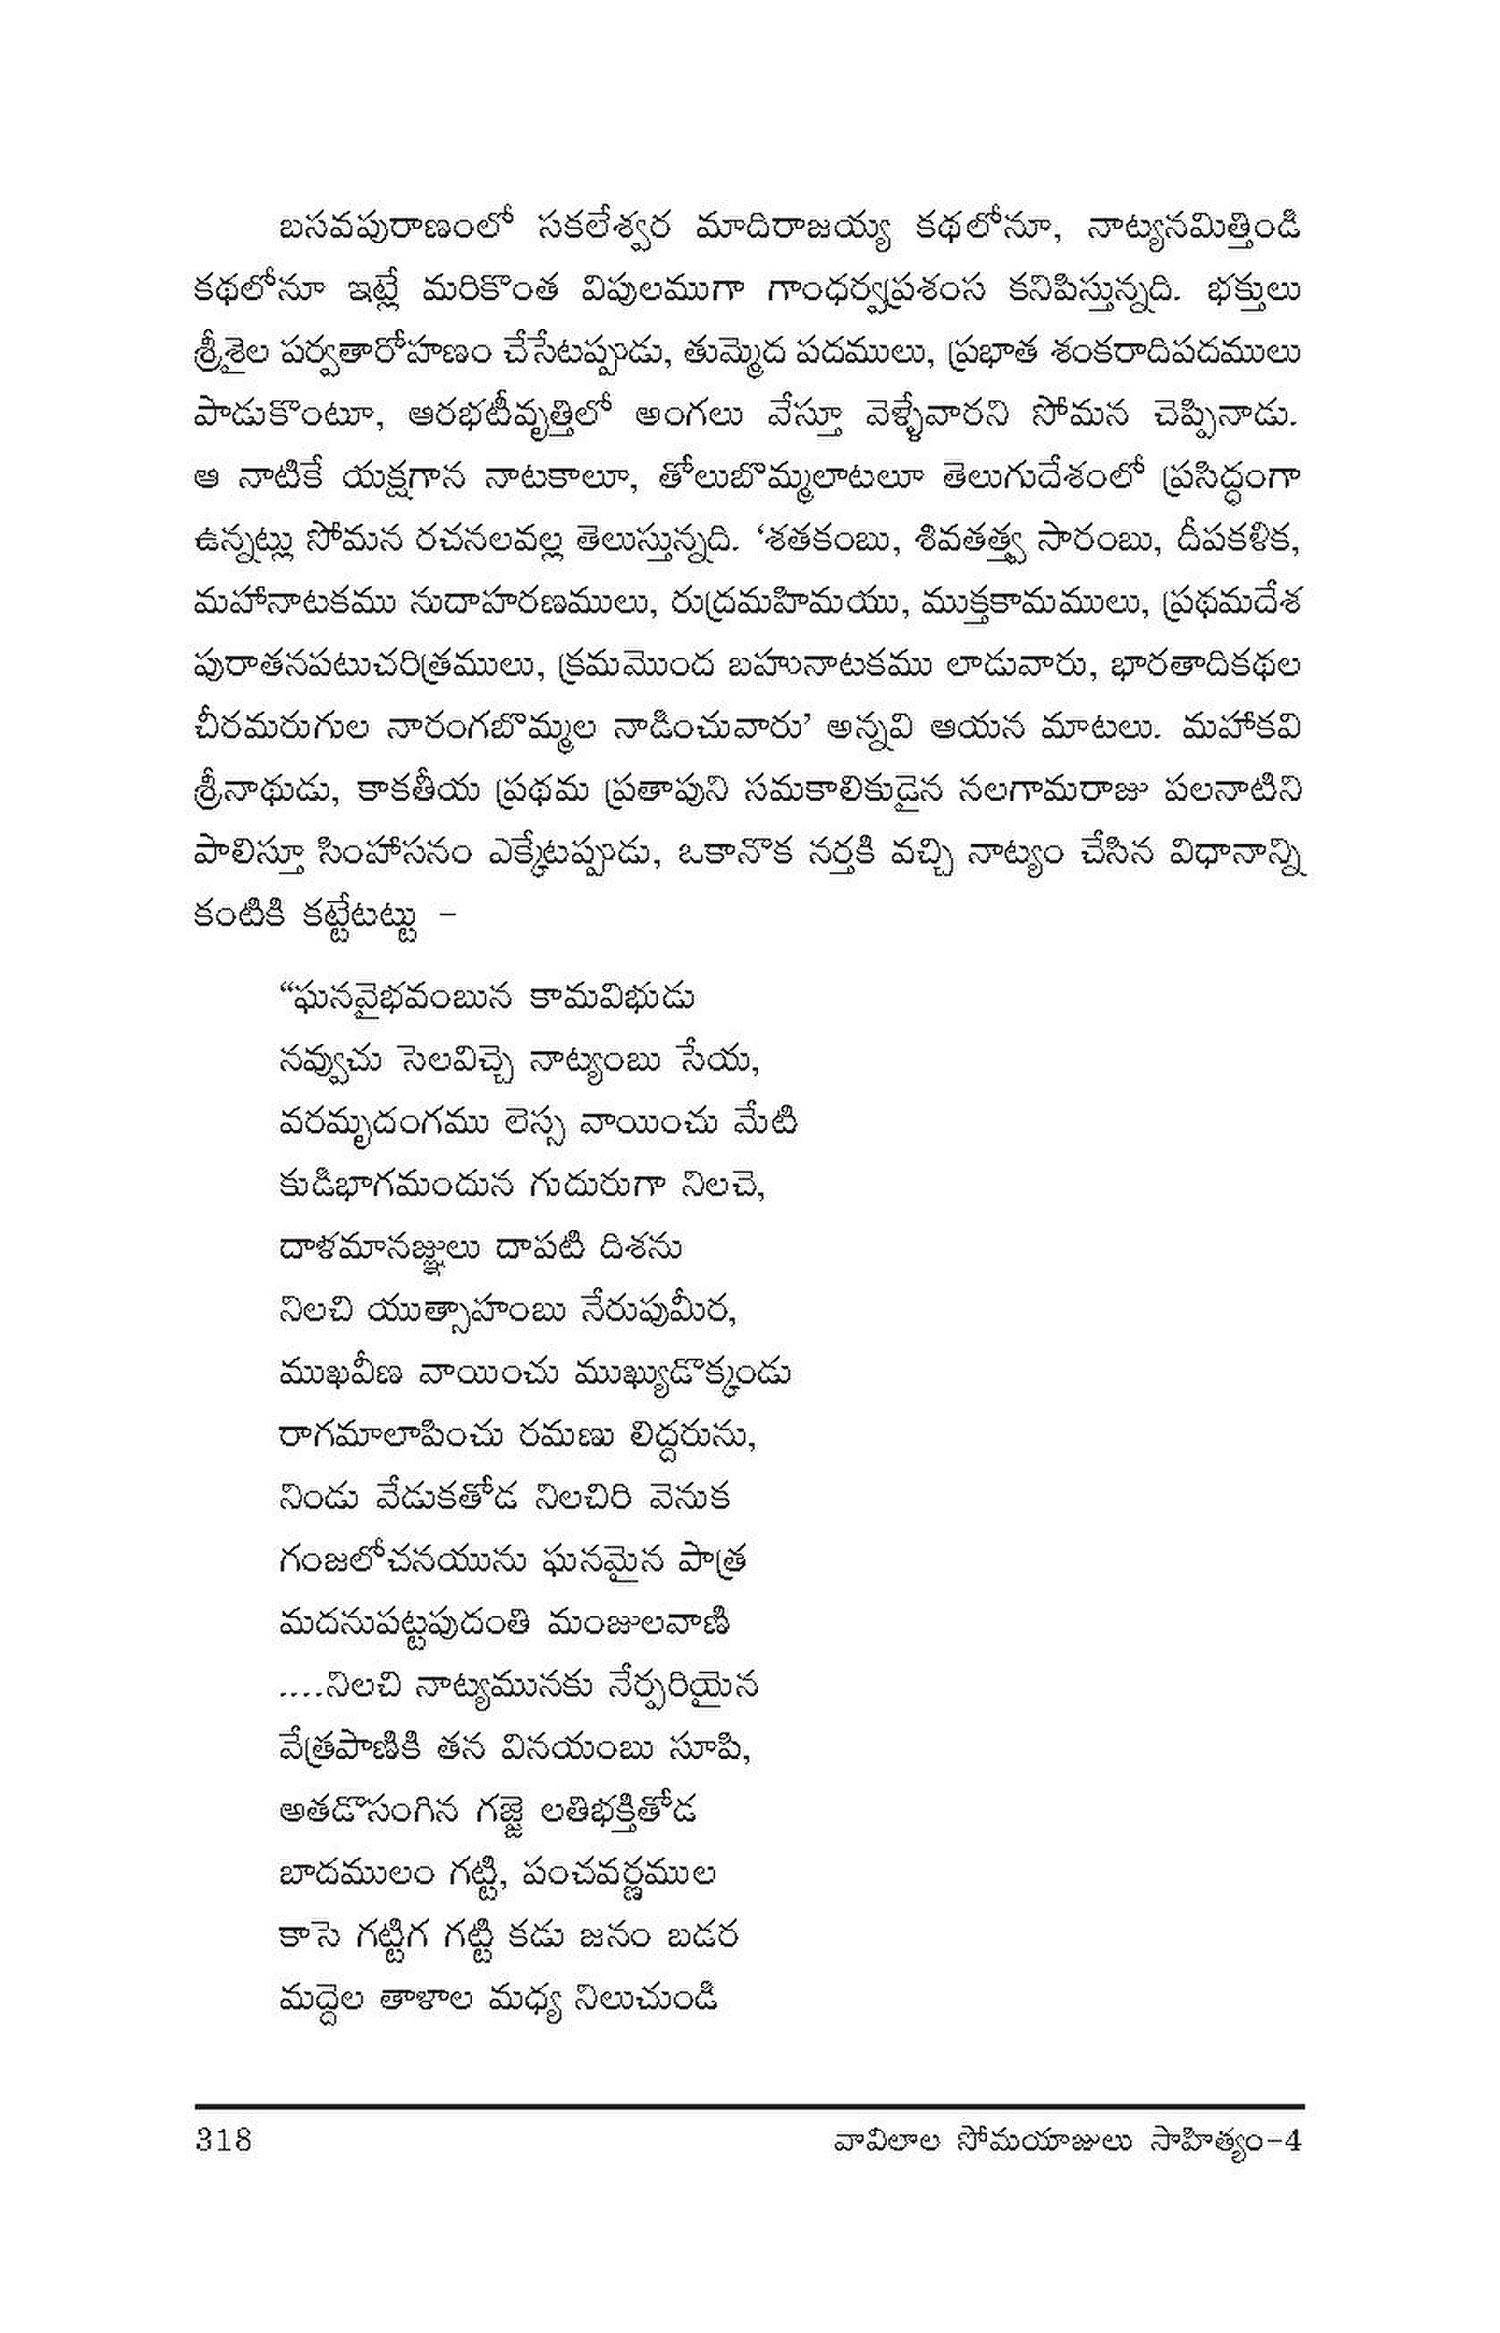బసవపురాణంలో సకలేశ్వర మాదిరాజయ్య కథలోనూ, నాట్యనమిత్తిండి
కథలోనూ ఇట్లే మరికొంత విపులముగా గాంధర్వప్రశంస కనిపిస్తున్నది. భక్తులు
శ్రీశైల పర్వతారోహణం చేసేటప్పుడు, తుమ్మెద పదములు, ప్రభాత శంకరాదిపదములు
పాడుకొంటూ, ఆరభటీవృత్తిలో అంగలు వేస్తూ వెళ్ళేవారని సోమన చెప్పినాడు.
ఆ నాటికే యక్షగాన నాటకాలూ, తోలుబొమ్మలాటలూ తెలుగుదేశంలో ప్రసిద్ధంగా
ఉన్నట్లు సోమన రచనలవల్ల తెలుస్తున్నది. 'శతకంబు, శివతత్త్వ సారంబు, దీపకళిక,
మహానాటకము నుదాహరణములు, రుద్రమహిమయు, ముక్తకామములు, ప్రథమదేశ
పురాతనపటుచరిత్రములు, క్రమమొంద బహునాటకము లాడువారు, భారతాదికథల
చీరమరుగుల నారంగబొమ్మల నాడించువారు' అన్నవి ఆయన మాటలు. మహాకవి
శ్రీనాథుడు, కాకతీయ ప్రథమ ప్రతాపుని సమకాలికుడైన నలగామరాజు పలనాటిని
పాలిస్తూ సింహాసనం ఎక్కేటప్పుడు, ఒకానొక నర్తకి వచ్చి నాట్యం చేసిన విధానాన్ని
కంటికి కట్టేటట్టు

“ఘనవైభవంబున కామవిభుడు
నవ్వుచు సెలవిచ్చె నాట్యంబు సేయ,
వరమృదంగము లెస్స వాయించు మేటి
కుడిభాగమందున గుదురుగా నిలచె,
దాళమానజ్ఞులు దాపటి దిశను
నిలచి యుత్సాహంబు నేరుపుమీర,
ముఖవీణ వాయించు ముఖ్యుడొక్కండు
రాగమాలాపించు రమణు లిద్దరును,
నిండు వేడుకతోడ నిలచిరి వెనుక
గంజలోచనయును ఘనమైన పాత్ర
మదనుపట్టపుదంతి మంజులవాణి
....నిలచి నాట్యమునకు నేర్పరియైన
నేత్రపాణికి తన వినయంబు సూపి,
అతడొసంగిన గజ్జె లతిభక్తితోడ
బాదములం గట్టి, పంచవర్ణముల
కాసె గట్టిగ గట్టి కడు జనం బడర
మద్దెల తాళాల మధ్య నిలుచుండి